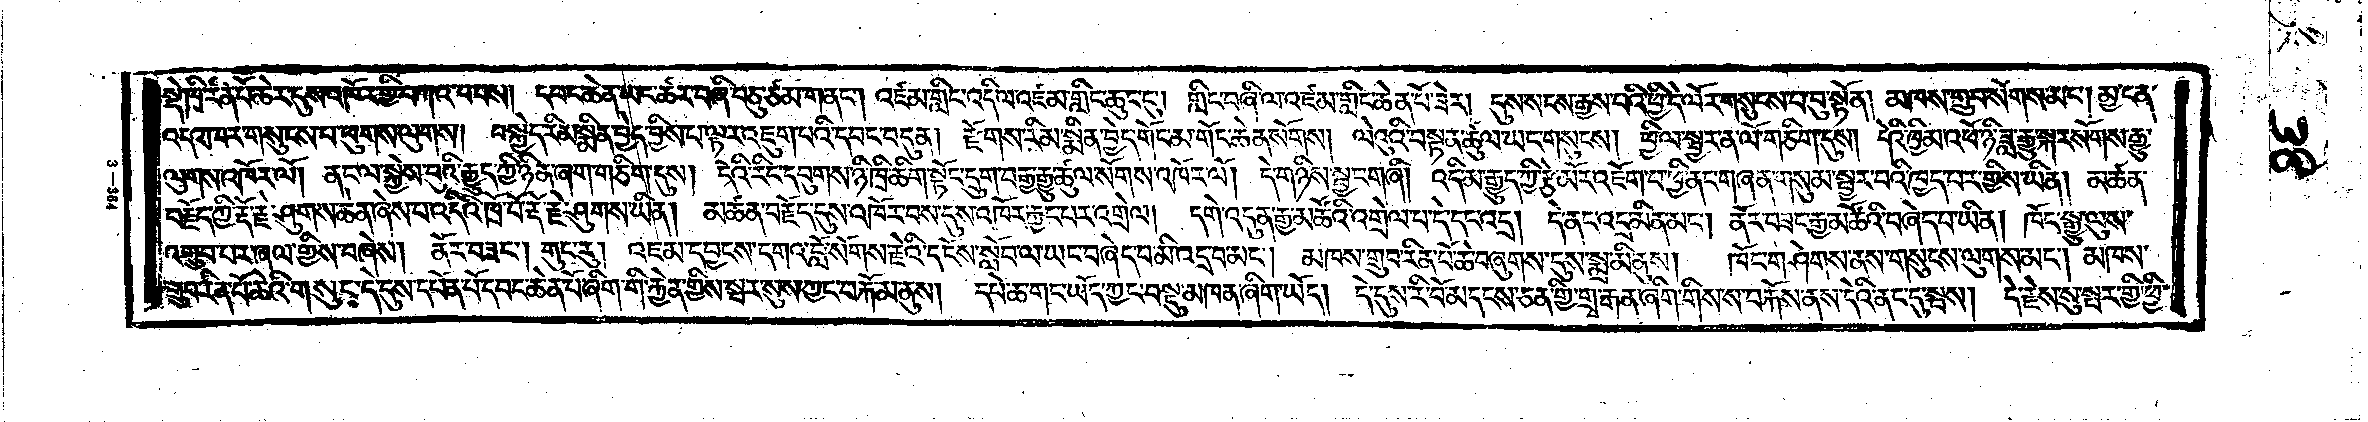སྡེ་ཁྲི་རིན་པོ་ཆེར་དུས་འཁོར་གྱི་བཀའ་བབས། དབང་ཆེན་ཡང་ཚར་བཞི་བཅུ་ཙམ་གནང་། འཛམ་གླིང་འདི་ལ་འཛམ་གླིང་ཆུང་ངུ། གླིང་བཞི་ལ་འཛམ་གླིང་ཆེན་པོ་ཟེར། དུས་སངས་རྒྱས་བའི་ཕྱི་དེ་ལོར་གསུངས་པ་བཅུ་སྟོན། མཁས་གྲུབ་སོགས་མང་། མྱ་ངན་
འདའ་ཁར་གསུངས་པ་ཕུགས་ལུགས། བསྐྱེད་རིམ་སྨིན་བྱེད་བྱིས་པ་ལྟར་འཇུག་པའི་དབང་བདུན། རྫོགས་རིམ་སྨིན་བྱེད་གོང་མ་གོང་ཆེན་སོགས། ལེའུའི་བསྟན་ཚུལ་ཡང་གསུངས། ཕྱི་ལ་སྦྱར་ན་ལོ་གཅིག་དུས། དེའི་ཁྱིམ་འཕོ་ཉི་ཟླ་རྒྱུ་སྐར་སོགས་རྒྱུ་
ལུགས་འཁོར་ལོ། ནང་ལ་སྐྱེས་བུའི་རྒྱུད་ཀྱི་ཉིན་ཞག་གཅིག་དུས། དེའི་རིང་དབུགས་ཉི་ཁྲི་ཆིག་སྟོང་དྲུག་བརྒྱ་རྒྱུ་ཚུལ་སོགས་འཁོར་ལོ། དེ་གཉིས་སྦྱང་གཞི། འདི་མ་རྒྱུད་ཀྱི་རྩེ་མོར་འཇོག་པ་ཕྱི་ནང་གཞན་གསུམ་སྦྱར་བའི་ཁྱད་པར་གྱིས་ཡིན། མཚན་
བརྗོད་ཀྱི་རྡོ་རྗེ་ཤུགས་ཆེན་ཞེས་པ་འདིའི་ཁྲོ་བོ་རྡོ་རྗེ་ཤུགས་ཡིན། མཚན་བརྗོད་དུས་འཁོར་བས་དུས་འཁོར་རྐྱང་པར་འགྲེལ། དགེ་འདུན་རྒྱ་མཚོའི་འགྲེལ་པ་དེ་དང་འདྲ། དེ་ནང་འདྲ་མིན་མང་། ནོར་བཟང་རྒྱ་མཚོའི་བཞེད་པ་ཡིན། ཁོང་སྒྱུ་ལུས་
འགྲུབ་པར་ཞལ་གྱིས་བཞེས། ནོར་བཟང་། གུང་རུ། འཇམ་དབྱངས་དགའ་བློ་སོགས་རྗེའི་དངོས་སློབ་ལ་ཡང་བཞེད་པ་མི་འདྲ་བ་མང་། མཁས་གྲུབ་རིན་པོ་ཆེ་བཞུགས་དུས་སྨྲ་མི་ནུས། ཁོང་གཤེགས་ནས་གསུངས་ལུགས་མང་། མཁས་
སྒྲུབ་རིན་པོ་ཆེའི་གསུང་དེ་དུས་དཔོན་པོ་དབང་ཆེན་པོ་ཞིག་གི་རྐྱེན་གྱིས་སྦར་སུས་ཀྱང་བརྐོ་མ་ནུས། དཔེ་ཆ་གང་ཡོད་ཀྱང་བསྡུ་མཁན་ཞིག་ཡོད། དེ་དུས་རི་བོ་མདངས་ཅན་གྱི་གྲྭ་རྒན་ཞིག་གིས་ས་བརྐོས་ནས་དེའི་ནང་དུ་སྦས། དེ་རྗེས་སུ་སྦར་གྱི་ཕྱི་